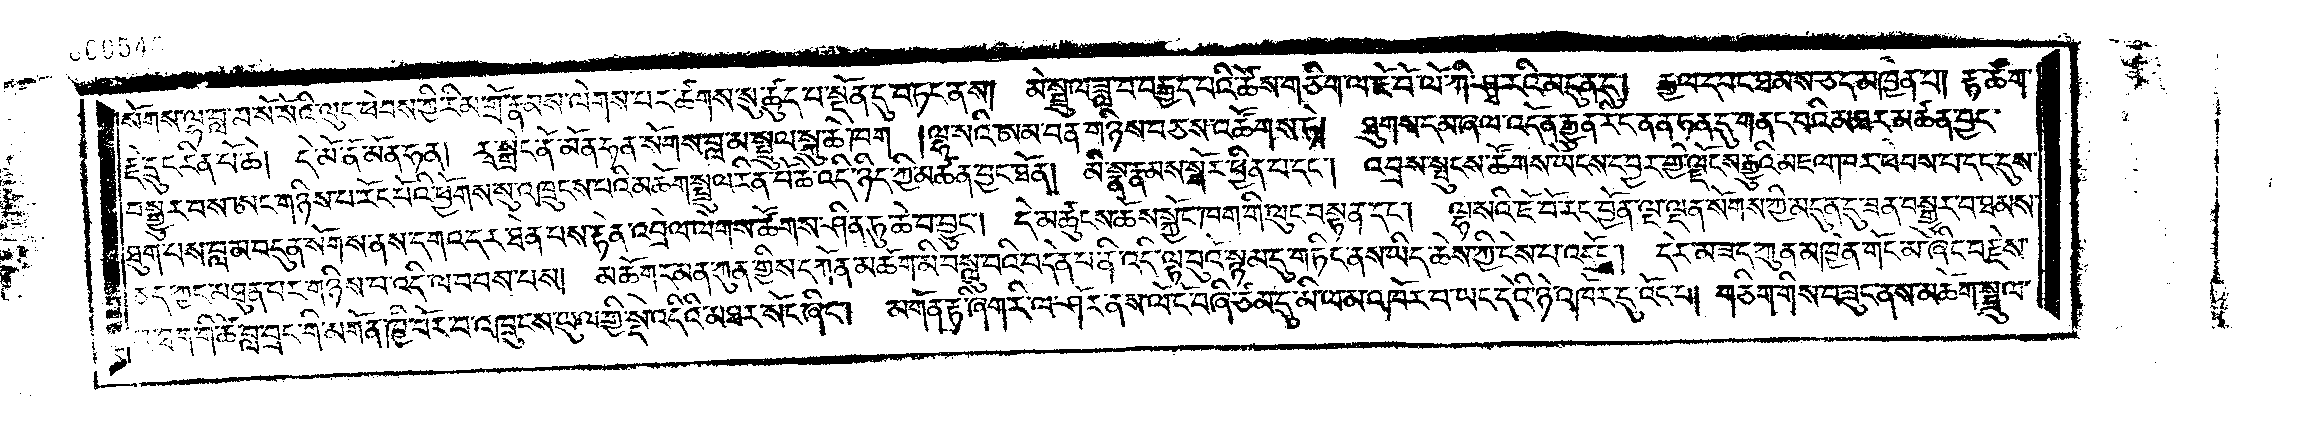སོགས་ལྷ་བླ་མ་སོ་སོའི་ལུང་ཕེབས་ཀྱི་རིམ་གྲོ་རྣམས་ལེགས་པར་ཚགས་སུ་ཚུད་པ་སྔོན་དུ་བཏང་ནས། མེ་སྤྲུལ་ཟླ་བ་བརྒྱད་པའི་ཚེས་གཅིག་ལ་ཇོ་བོ་ལོ་ཀི་ཤྭ་རའི་མདུན་དུ། རྒྱལ་དབང་ཐམས་ཅད་མཁྱེན་པ། རྟ་ཚག་
རྗེ་དྲུང་རིན་པོ་ཆེ། དེ་མོ་ནོ་མོན་ཧན། རྭ་སྒྲེང་ནོ་མོན་ཧན་སོགས་བླ་མ་སྤྲུལ་སྐུ་ཆེ་ཁག །ལྷ་སའི་ཨ་མ་བན་གཉིས་བཅས་འཚོགས་ཏེ། ཐུགས་དམ་ཞལ་འདོན་རྒྱུན་རིང་ནན་ཏན་དུ་གནང་བའི་མཐར་མཚན་བྱང་
བསྒྲུབ་བས་ཨང་གཉིས་པ་རོང་པོའི་ཕྱོགས་སུ་འཁྲུངས་པའི་མཆོག་སྤྲུལ་རིན་པོ་ཆེ་འདི་ཉིད་ཀྱི་མཚན་བྱང་ཐོན། མི་སྣ་རྣམས་སྒོར་ཕྱིན་པ་དང་། འབྲས་སྤུངས་ཚོགས་ཡོངས་དབྱར་གྱི་ལྗོངས་རྒྱུའི་མཇལ་ཁར་ཕེབས་པ་དང་དུས་
ཐུག་པས་བླ་མ་བདུན་སོགས་ནས་དགའ་དར་ཐེན་པས་རྟེན་འབྲེལ་ལེགས་ཚོགས་ཤིན་ཏུ་ཆེ་བ་བྱུང་། དེ་མཚུངས་ཆོས་སྐྱོང་ཁག་གི་ལུང་བསྟན་དང་། ལྷ་སའི་ཇོ་བོ་རང་བྱོན་ལྔ་ལྡན་སོགས་ཀྱི་མདུན་དུ་ཟན་བསྒྱུར་བ་ཐམས་
ཅད་ཀྱང་མཐུན་པར་གཉིས་པ་འདི་ལ་བབས་པས། མཆོག་དམན་ཀུན་གྱིས་དཀོན་མཆོག་མི་བསླུ་བའི་བདེན་པ་ནི་འདི་ལྟ་བུའོ་སྙམ་དུ་གཏིང་ནས་ཡིད་ཆེས་ཀྱི་ངེས་པ་འདོངས། དེར་མ་ཟད་ཀུན་མཁྱེན་གོང་མ་ཞིང་བརྗེས་
མ་ཐག་གི་ཚེ་བླ་བྲང་གི་མགོན་ཁྱི་བོར་བ་འཁྲུངས་ཡུལ་གྱི་སྡེ་འདིའི་མཐར་སོང་ཞིང་། མགོན་རྟ་ཞིག་རེ་ལ་ཤོར་ནས་ལོ་ངོ་བཞི་ཙམ་དུ་མི་ལ་མ་འཁོར་བ་ཡང་དེའི་ཉེ་འཁོར་དུ་འོང་བ། གཅིག་གིས་བཟུང་ནས་མཆོག་སྤྲུལ་